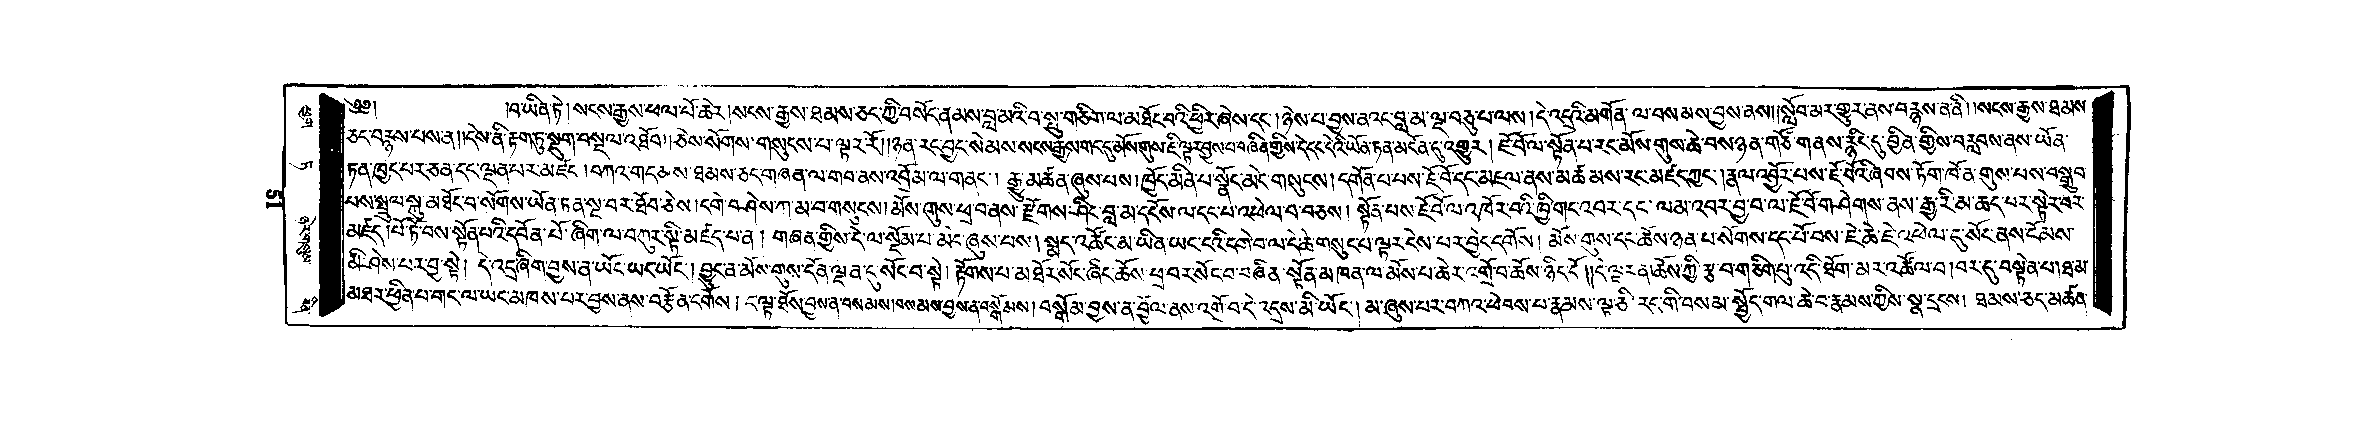༄༅། །བ་ཡིན་ཏེ། སངས་རྒྱས་ཕལ་པོ་ཆེར། སངས་རྒྱས་ཐམས་ཅད་ཀྱི་བསོད་ནམས་བླ་མའི་བ་སྤུ་གཅིག་ལ་མཐོང་བའི་ཕྱིར་ཞེས་དང་། ཉེས་པ་བྱས་ནའང་བླ་མ་ལྔ་བཅུ་པ་ལས། དེ་འདྲའི་མགོན་ལ་བསམས་བྱས་ནས། །སློབ་མར་གྱུར་ནས་བརྙས་ན་ནི། །སངས་རྒྱས་ཐམས་
ཅད་བརྙས་པས་ན། །དེས་ནི་རྟག་ཏུ་སྡུག་བསྔལ་འཐོབ། །ཅེས་སོགས་གསུངས་པ་ལྟར་རོ། །ཉན་རང་བྱང་སེམས་སངས་རྒྱས་གང་དུ་མོས་གུས་ཇི་ལྟར་བྱས་པ་བཞིན་གྱིས་དེ་དང་དེའི་ཡོན་ཏན་མངོན་དུ་འགྱུར། ཇོ་བོ་ལ་སྟོན་པ་རང་མོས་གུས་ཆེ་བས་ཉན་གཙོ་གནས་རྙིང་དུ་བྱིན་གྱིས་བརླབས་ནས་ཡོན་
ཏན་ཁྱད་པར་ཅན་དང་ལྡན་པར་མཛད། བཀའ་གདམས་ཐམས་ཅད་གཞན་ལ་གབ་ནས་འབྲོམ་ལ་གནང་། རྒྱུ་མཚན་ཞུས་པས། ཁྱོད་མིན་པ་སྣོད་མེད་གསུངས། དགོན་པ་པས་ཇོ་བོ་དང་མཇལ་ནས་མཚམས་རང་མཛད་ཀྱང་། རྣལ་འབྱོར་པས་ཇོ་བོའི་ཞབས་ཏོག་ཁོ་ན་གུས་པས་བསྒྲུབ་
པས་སྤྲུལ་སྐུ་མཐོང་བ་སོགས་ཡོན་ཏན་སྔ་བར་ཐོབ་ཅེས། དགེ་བཤེས་ཀ་མ་བ་གསུངས། མོས་གུས་ཕྲ་བ་ནས་རྫོགས་ཤིང་བླ་མ་དངོས་ལ་དང་པ་འཕེལ་བ་བཅས། སྟོན་པས་ཇོ་བོ་ལ་འཁོར་བའི་ཁྱི་གང་འབར་དང་ལམ་འབར་བྱ་བ་ལ་ཇོ་བོ་གཤེགས་ནས་རྒྱ་རི་མ་ཆད་པར་སྟེར་བར་
མཛད། པོ་ཏོ་བས་སྟོན་པའི་དབོན་པོ་ཞིག་ལ་བཀུར་སྟི་མཛད་པ་ན། གཞན་གྱིས་དེ་ལ་སྡོམ་པ་མེད་ཞུས་པས། སྨད་འཚོང་མ་ཡིན་ཡང་ངའི་དགེ་བ་ལ་དེ་ཆེ་གསུང་པ་ལྟར་ངེས་པར་བྱེད་དགོས། མོས་གུས་དང་ཆོས་ཉན་པ་སོགས་དང་པོ་བས་ཇེ་ཆེ་ཇེ་འཕེལ་དུ་སོང་ནས་ངོམས་
མི་ཤེས་པར་བྱ་སྟེ། དེ་འདྲ་ཞིག་བྱས་ན་ཡོང་ཡང་ཡོང་། བྱུང་ན་མོས་གུས་དོན་ལྡན་དུ་སོང་བ་སྟེ། རྟོགས་པ་མཐོར་སོང་ཞིང་ཆོས་ཕྲ་བར་སོང་བ་བཞིན་སྟོན་མཁན་ལ་མོས་པ་ཆེར་འགྲོ་བ་ཆོས་ཉིད་དོ། །དེ་ལྟར་ན། ཆོས་ཀྱི་རྩ་བ་གཅིག་པུ་འདི་ཐོག་མར་འཚོལ་བ། བར་དུ་བསྟེན་པ། ཐ་མ་
མཐར་ཕྱིན་པ་གང་ལ་ཡང་མཁས་པར་བྱས་ནས་བརྩོན་དགོས། ད་ལྟ་ཐོས་བྱས་ན་བསམས། བསམས་བྱས་ན་བསྒོམས། བསྒོམ་བྱས་ན་བྱོལ་ནས་འགྲོ་བ་དེ་འདྲས་མི་ཡོང་། མ་ཞུས་པར་བཀའ་ཕེབས་པ་རྣམས་ལྟ་ཅི་རང་གི་བསམ་སྤྱོད་གལ་ཆེ་བ་རྣམས་ཀྱིས་སྣ་དྲངས། ཐམས་ཅད་མཚན་